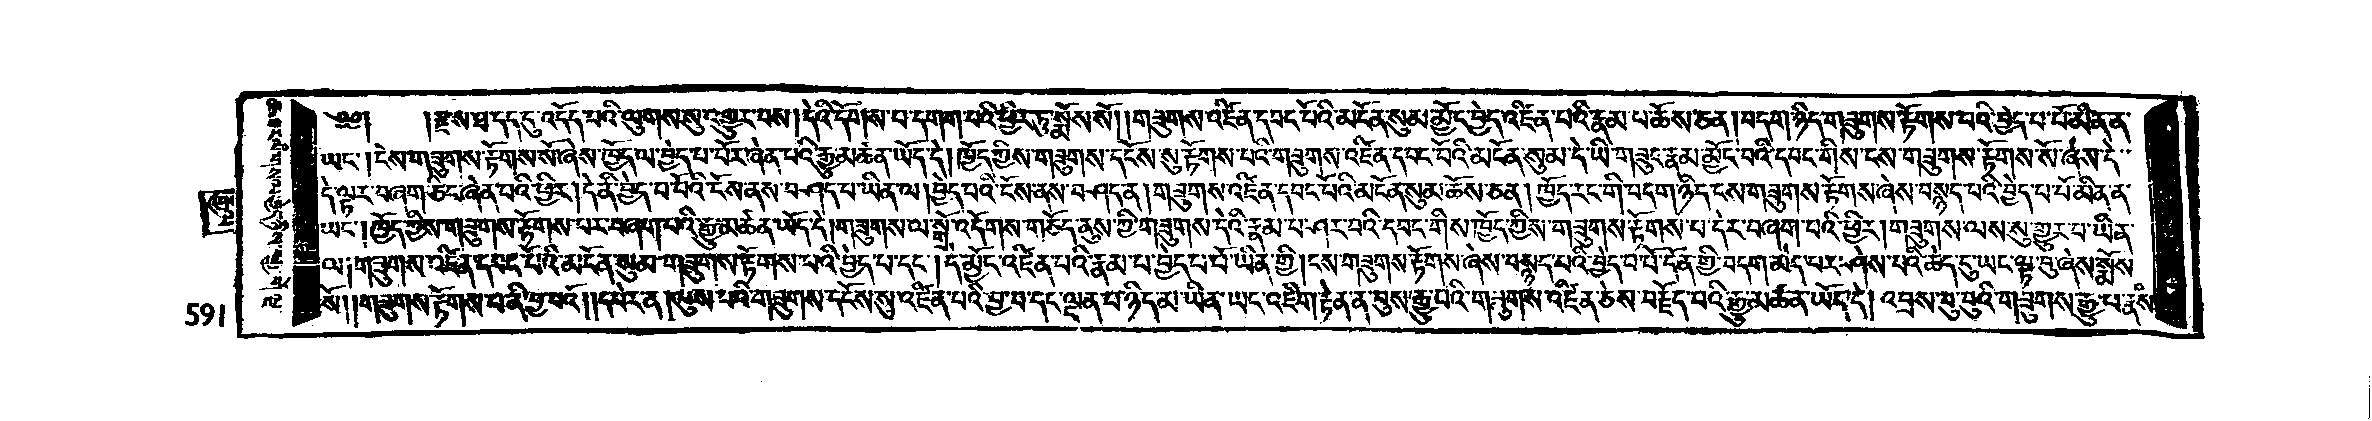༄༅། །རྫས་ཐ་དད་དུ་འདོད་པའི་ལུགས་སུ་འགྱུར་པས། དེའི་དོགས་པ་དགག་པའི་ཕྱིར་ཏུ་སྨོས་སོ། །གཟུགས་འཛིན་དབང་པོའི་མངོན་སུམ་མྱོང་བྱེད་འཛིན་པའི་རྣམ་པ་ཆོས་ཅན། བདག་ཉིད་གཟུགས་རྟོགས་པའི་བྱེད་པ་པོ་མིན་ན་
ཡང་། ངས་གཟུགས་རྟོགས་སོ་ཞེས་ཁྱོད་ལ་བྱེད་པ་པོར་ཞེན་པའི་རྒྱུ་མཚན་ཡོད་དེ། ཁྱོད་ཀྱིས་གཟུགས་དངོས་སུ་རྟོགས་པའི་གཟུགས་འཛིན་དབང་པོའི་མངོན་སུམ་དེ་ཡི་གཟུང་རྣམ་མྱོང་བའི་དབང་གིས་ངས་གཟུགས་རྟོགས་སོ་ཞེས་དེ་
དེ་ལྟར་བཞག་ཅིང་ཞེན་པའི་ཕྱིར། དེ་ནི་བྱེད་པ་པོའི་ངོས་ནས་བཤད་པ་ཡིན་ལ། བྱེད་པའི་ངོས་ནས་བཤད་ན། གཟུགས་འཛིན་དབང་པོའི་མངོན་སུམ་ཆོས་ཅན། ཁྱོད་རང་གི་བདག་ཉིད་ངས་གཟུགས་རྟོགས་ཞེས་བསྙད་པའི་བྱེད་པ་པོ་མིན་ན་
ཡང་། ཁྱོད་ཀྱིས་གཟུགས་རྟོགས་པར་བཞག་པའི་རྒྱུ་མཚན་ཡོད་དེ། གཟུགས་ལ་སྒྲོ་འདོགས་གཅོད་ནུས་ཀྱི་གཟུགས་དེའི་རྣམ་པ་ཤར་བའི་དབང་གིས་ཁྱོད་ཀྱིས་གཟུགས་རྟོགས་པ་དེར་བཞག་པའི་ཕྱིར། གཟུགས་ལས་སུ་གྱུར་བ་ཡིན་
ལ། གཟུགས་འཛིན་དབང་པོའི་མངོན་སུམ་གཟུགས་རྟོགས་པའི་བྱེད་པ་དང་། དེ་མྱོང་འཛིན་པའི་རྣམ་པ་བྱེད་པ་པོ་ཡིན་གྱི། ངས་གཟུགས་རྟོགས་ཞེས་བསྙད་པའི་བྱེད་པ་པོ་དོན་གྱི་བདག་མེད་པར་ཤེས་པའི་ཆེད་དུ་ཡང་ལྟ་བུ་ཞེས་སྨོས་
སོ། །གཟུགས་རྟོགས་པ་ནི་བྱ་བའོ། །དཔེར་ན། ལུས་པའི་གཟུགས་དངོས་སུ་འཛིན་པའི་བྱ་བ་དང་ལྡན་པ་ཉིད་མ་ཡིན་ཡང་འཇིག་རྟེན་ན་བུས་རྒྱུ་པའི་གཟུགས་འཛིན་ཅེས་བརྗོད་པའི་རྒྱུ་མཚན་ཡོད་དེ། འབྲས་བུ་བུའི་གཟུགས་རྒྱུ་པ་རྣཾས་